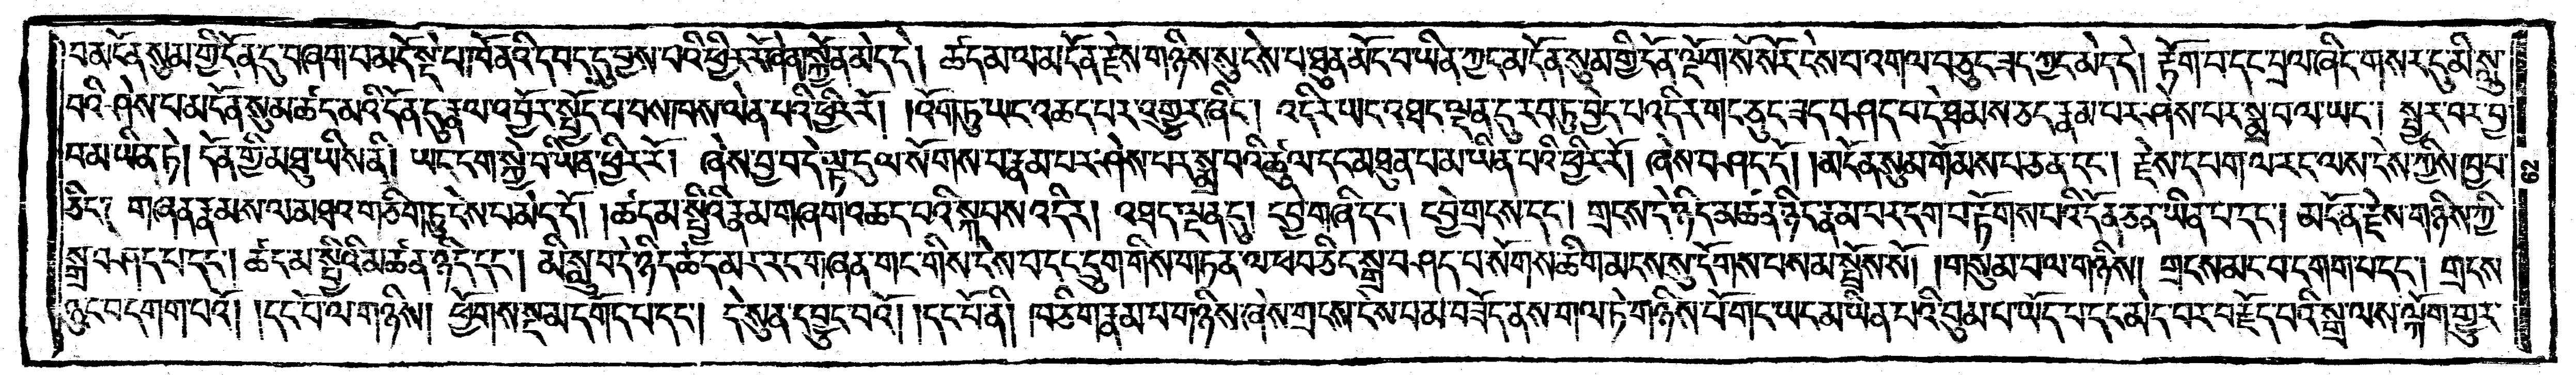བ་མངོན་སུམ་གྱི་དོན་དུ་བཞག་པ་མདོ་སྡེ་པ་ཁོ་ནའི་དབང་དུ་བྱས་པའི་ཕྱིར་རོ་ཞེ་ན། སྐྱོན་མེད་དེ། ཚད་མ་ལ་མངོན་རྗེས་གཉིས་སུ་ངེས་པ་ཐུན་མོང་བ་ཡིན་ཀྱང་མངོན་སུམ་གྱི་དོན་ལྡོག་སོ་སོར་ངེས་པ་འགལ་བ་ཅུང་ཟད་ཀྱང་མེད་དེ། རྟོག་པ་དང་བྲལ་ཞིང་གསར་དུ་མི་སླུ་
བའི་ཤེས་པ་མངོན་སུམ་ཚད་མའི་དོན་དུ་རྣལ་འབྱོར་སྤྱོད་པ་བས་ཁས་ལེན་པའི་ཕྱིར་རོ། །འོག་ཏུ་ཡང་འཆད་པར་འགྱུར་ཞིང་། འདིར་ཡང་འཐད་ལྡན་དུ་རབ་ཏུ་བྱེད་པ་འདིར་གང་ཅུང་ཟད་བཤད་པ་དེ་ཐམས་ཅད་རྣམ་པར་ཤེས་པར་སྨྲ་བ་ལ་ཡང་། སྦྱར་བར་བྱ་
བ་མ་ཡིན་ཏེ། དོན་གྱི་མཐུ་ཡིས་ནི། ཡང་དག་སྐྱེ་བ་ཡིན་ཕྱིར་རོ། ཞེས་བྱ་བ་དེ་ལྟ་བུ་ལ་སོགས་པ་རྣམ་པར་ཤེས་པར་སྨྲ་བའི་ཚུལ་དང་མཐུན་པ་མ་ཡིན་པའི་ཕྱིར་རོ། ཞེས་བཤད་དོ། །མངོན་སུམ་གོམས་པ་ཅན་དང་། རྗེས་དཔག་ལ་རང་ལས་ངེས་ཀྱིས་ཁྱབ་
ཅིང་། གཞན་རྣམས་ལ་མཐའ་གཅིག་ཏུ་ངེས་པ་མེད་དོ། །ཚད་མ་སྤྱིའི་རྣམ་གཞག་འཆད་པའི་སྐབས་འདིར། འཐད་ལྡན་དུ། དབྱེ་གཞི་དང་། དབྱེ་གྲངས་དང་། གྲངས་དེ་ཉིད་མཚན་ཉིད་རྣམ་པར་དག་པ་རྟོགས་པའི་དོན་ཅན་ཡིན་པ་དང་། མངོན་རྗེས་གཉིས་ཀྱི་
སྒྲ་བཤད་པ་དང་། ཚད་མ་སྤྱིའི་མཚན་ཉིད་དང་། མི་སླུ་བ་དེ་ཉིད་ཚད་མར་རང་གཞན་གང་གིས་ངེས་པ་དང་དྲུག་གིས་གཏན་ལ་ཕབ་ཅིང་སྒྲ་བཤད་པ་སོགས་ཚིག་མངས་སུ་དོགས་པས་མ་སྤྲོས་སོ། །གསུམ་པ་ལ་གཉིས། གྲངས་མང་བ་དགག་པ་དང་། གྲངས་
ཉུང་བ་དགག་པའོ། །དང་པོ་ལ་གཉིས། ཕྱོགས་སྔ་མ་དགོད་པ་དང་། དེ་སུན་དབྱུང་བའོ། །དང་པོ་ནི། ཁ་ཅིག་རྣམ་པ་གཉིས་ཞེས་གྲངས་ངེས་པ་མ་བཟོད་ནས་གལ་ཏེ་གཉིས་པོ་གང་ཡང་མ་ཡིན་པའི་བུམ་པ་ཡོད་པ་དང་མེད་པར་བརྗོད་པའི་སྒྲ་ལས་ལྐོག་གྱུར་